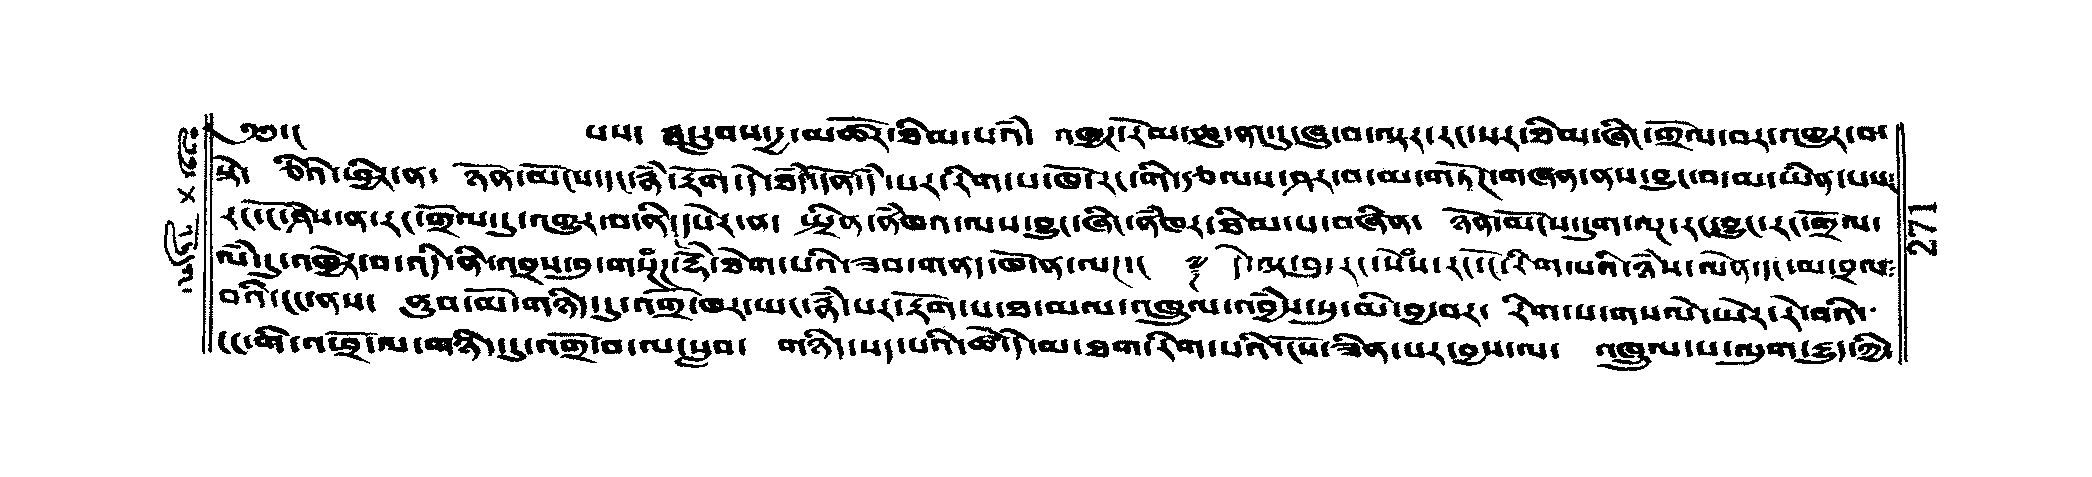པས་རྦ་རླབས་རྒྱ་མཚོར་ཐིམ་པའམ། འཁྱགས་རོམ་ཆུ་ནང་དུ་ཞུ་བ་ལྟར་རང་སར་ཐིམ་ཞིང་གྲོལ་བར་འགྱུར་བ་
སྟེ། ཅིའི་ཕྱིར་ན། ཉོན་མོངས་དང་རྣམ་རྟོག་དེ་ཐམས་ཅད་དོན་དམ་པར་རིག་པ་ཁོ་རང་གི་རྩལ་ལས་ཤར་བ་མ་གཏོགས་གཞན་ནས་བྱུང་བ་མ་ཡིན་པས་
རང་ངོ་ཤེས་ན་རང་གྲོལ་དུ་འགྱུར་བ་ནི་དཔེར་ན། སྤྲིན་ནམ་མཁའ་ལས་བྱུང་ཞིང་ནམ་མཁའ་ཐིམ་པ་བཞིན། ཉོན་མོངས་དུག་ལྔ་རང་བྱུང་རང་གྲོལ་
ལམ་དུ་འཁྱེར་བ་འདི་ནི་འབྲས་བུ་གསང་སྔགས་རྡོ་རྗེ་ཐེག་པའི་ཟབ་གནད་ཁོ་ན་ལགས། ༈ དེ་ལྟ་བུ་རང་སེམས་རང་ངོ་རིག་པའི་ཉམས་ལེན་དང་མ་བྲལ་
བའི་ངང་ནས། ནུབ་མོ་གཉིད་དུ་འགྲོ་ཁར་ཡང་རྣམ་པར་རྟོག་པ་ཐ་མལ་འཁྲུལ་འབྱམས་སུ་མི་བྱ་བར། རིག་པ་གསལ་ལེ་ཡེར་རེ་བའི་
ངང་གི་འཕྲོ་ལ་གཉིད་དུ་འགྲོ་བ་ལ་སླབ། གཉིད་སད་པའི་ཚེ་དེ་མ་ཐག་རིག་པ་ངོས་ཟིན་པར་བྱས་ལ། འཁྲུལ་པ་ལུག་རྒྱུད་ཀྱི་